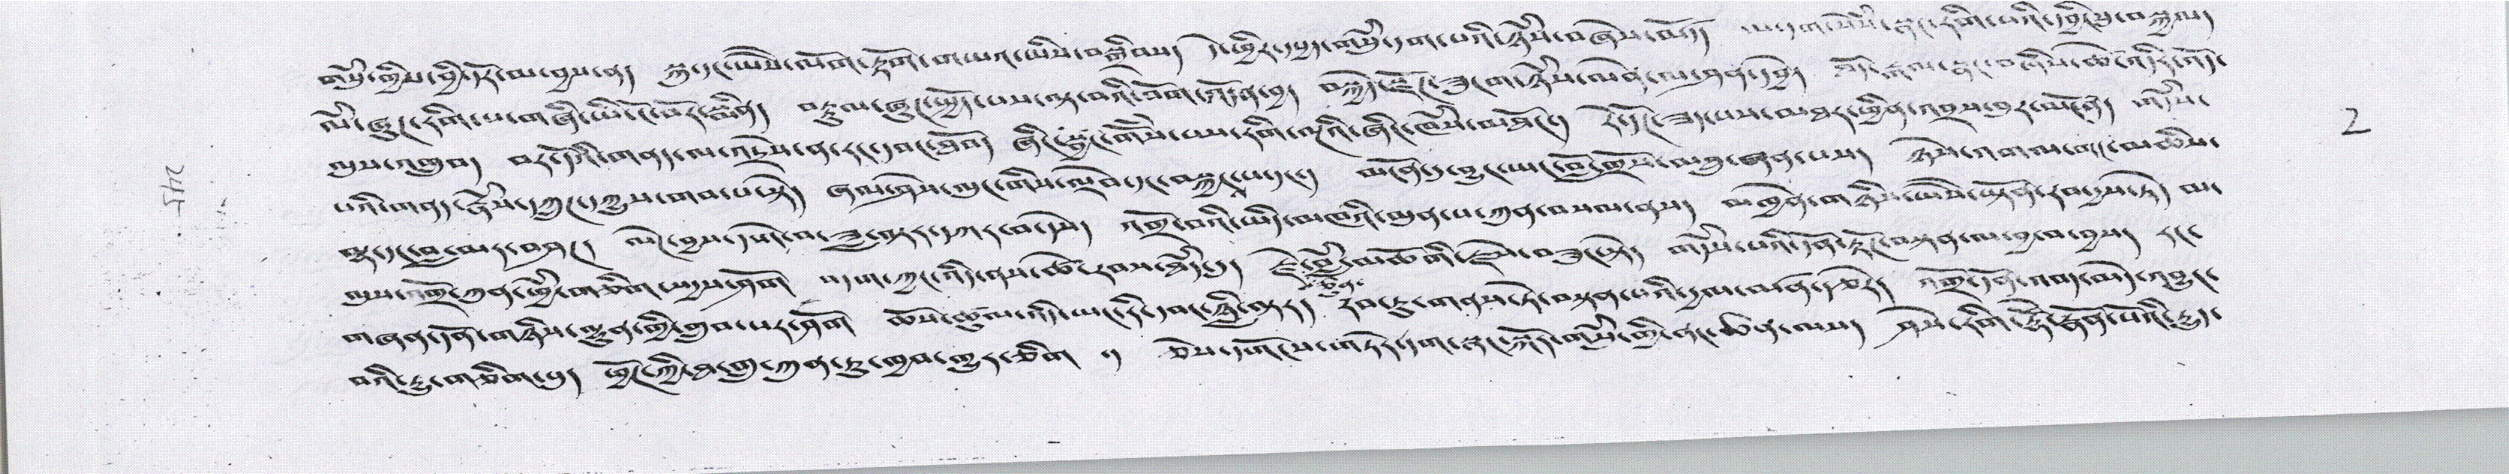གསུམ་གྱིས་བྱི་དོར་མ་བྱས་ན། སྐུ་དང་ཡེ་ཤེས་ལོག་རྟོག་གཡའ་ཡིས་བསྒྲིབས། དེ་ཕྱིར་དཔྱད་གསུམ་དག་པའི་ཉམས་བཞེས་མཛོད། མ་དག་སེམས་སྣང་རིག་པའི་དབྱིངས་སུ་བསྐྱལ། 
ལམ་ཞུགས་རིག་པ་གཞི་ཡི་ངོ་བོར་སྨིན། བརྟུལ་ཞུགས་སྤྱོད་པས་ལྟ་བའི་བོག་འདོན་བྱ། བསྐྱེད་རྫོགས་ཟུག་འཇུག་ཉམས་ལེན་ལ་ཤན་དབྱེ། ཐོད་རྒལ་སྣང་བཞིས་ཚེ་འདིར་འོད་
ལུས་འགྲུབ། བར་དོའི་གནད་ལ་འདྲེས་ན་རང་དབང་ཐོབ། ཞིང་སྦྱང་གོམས་པས་རིག་ལྔའི་ཞིང་ཁམས་མཐོང། རེ་དྭོགས་ཟད་པས་མཐར་ཕྱིན་འབྲས་བུར་མངོན། གདམས་
པའི་གནད་རྣམས་དཀྲུགས་དཀྱུས་གབ་པ་སྟེ། ཞལ་ཤེས་ལུང་གིས་ལྡེབ་དང་བསྐྱངས་པ་དང། མངོན་དུ་བྱུང་ཡང་བློ་གྲོས་མཐུ་ཞན་པས། ཉེས་འགལ་གང་མཆིས་
ལྷ་དང་བླ་མར་བཤགས། ལེགས་བྱས་དགེ་བ་ཟླ་ལྟར་དཀར་བ་དེས། འགྲོ་བའི་ཡིད་མཁའི་མུན་པ་ཀུན་བསལ་ནས། མཁྱེན་གཉིས་ཡེ་ཤེས་ཡོན་ཏན་རབ་རྒྱས་ཏེ། མ་
ལུས་འགྲོ་ཀུན་ཕྱམ་གཅིག་སངས་རྒྱས་ཤོག བདག་ཀྱང་འདི་ནས་ཚེ་རབས་ཐམས་ཅད་དུ། རྗེ་བཙུན་བླ་མ་མཆོག་གི་རྗེས་བཟུང་སྟེ། གདམས་པའི་དོན་རྟོགས་བསྟན་ལ་བྱ་བ་བྱས། རང་
གཞན་དོན་གཉིས་ལྷུན་གྱི་གྲུབ་པར་ཤོག ཆོས་ཚུལ་འདི་ཡང་རི་དབང་ཉི་ཟླ་ཤར། རབ་ཏུ་གནས་ཏེ་བསྟན་པའི་རྒྱལ་མཚན་རྩེར། འགྲོ་དོན་འབད་མེད་འབྱུང་
བའི་རྒྱུ་གཅིག་པུ། ཕྱོགས་ཀྱི་ཐ་གྲུ་ཀུན་ཏུ་ཁྱབ་གྱུར་ཅིག ཅེས་དགོངས་གཏེར་དག་སྣང་སྐོར་གསུམ་གྱི་ནང་ཚན་ལས། ཤེས་རིག་རྡོ་རྗེ་རྣོན་པོའི་རྒྱུད་